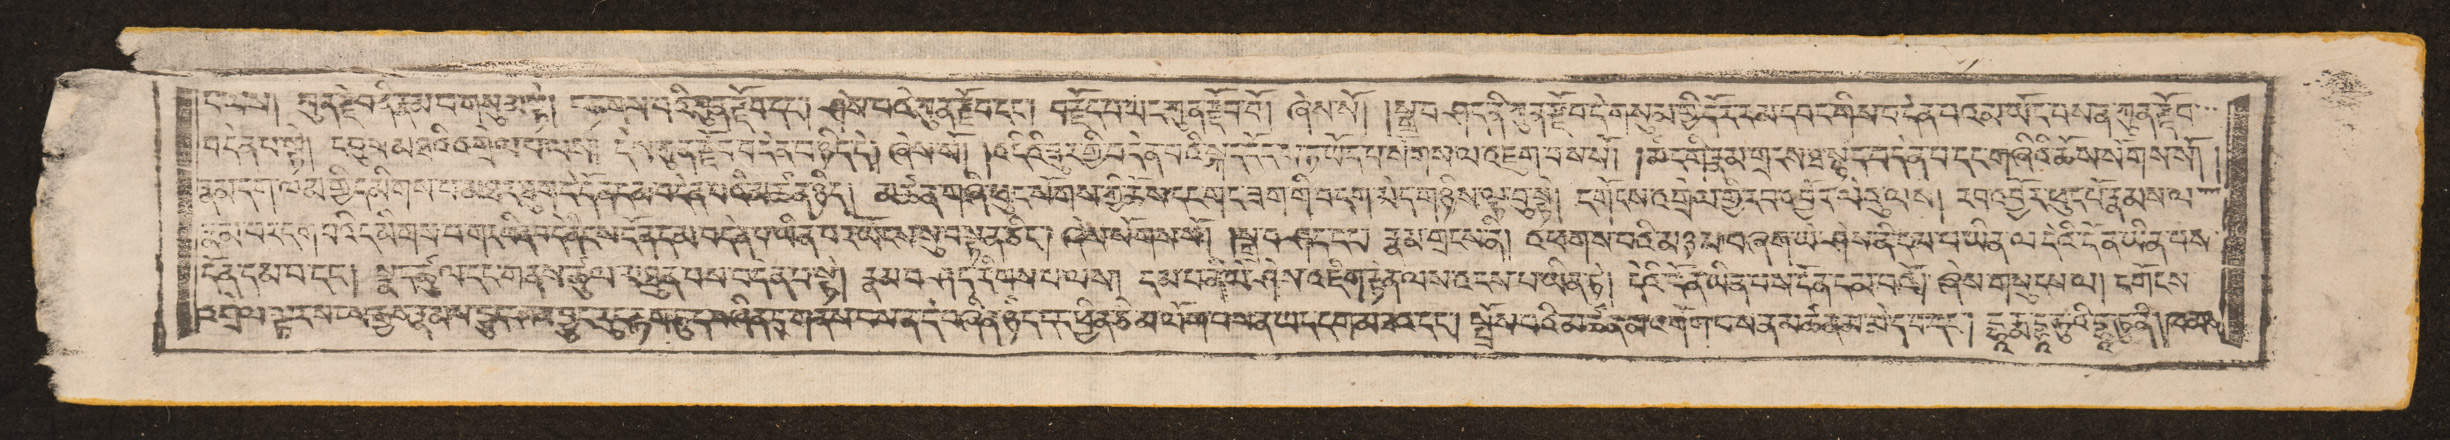པ་ལས། ཀུན་རྫོབ་ནི་རྣམ་པ་གསུམ་སྟེ། བཏགས་པའི་ཀུན་རྫོབ་དང་། ཤེས་པའི་ཀུན་རྫོབ་དང་། བརྗོད་པ་ཡང་ཀུན་རྫོབ་བོ། ཞེས་སོ། །སྒྲ་བཤད་ནི་ཀུན་རྫོབ་དེ་གསུམ་གྱི་དོར་རམ་དབང་གིས་བདེན་བའམ་ཡོད་པས་ན་ཀུན་རྫོབ་
བདེན་བ་སྟེ། དབུས་མཐའི་འགྲེལ་པ་ལས། དེས་ཀུན་རྫོབ་བདེན་བ་ཉིད་དེ། ཞེས་སོ། འདིའི་ཟུར་གྱི་བདེན་པའི་སྐད་དོད་ས་ཏ་ཡོད་པ་སོགས་ལ་འཇུག་པས་སོ། །མིང་གི་རྣམ་གྲངས་ཐ་སྙད་བདེན་པ་དང་གཞིའི་ཆོས་སོགས་སོ་
རྣམ་དག་ལམ་གྱི་དམིགས་པ་མཐར་ཐུག་དེ་དོན་དམ་བདེན་པའི་མཚན་ཉིད། མཚན་གཞི་ཕུང་སོགས་ཀྱི་ཆོས་དང་གང་ཟག་གི་བདག་མེད་གཉིས་ལྟ་བུ་སྟེ། དགོངས་འགྲེལ་གྱི་རབ་འབྱོར་ལེའུ་ལས། རབ་འབྱོར་ཕུང་པོ་རྣམས་ལ་
རྣམ་པར་དག་པའི་དམིགས་པ་གང་ཡིན་པ་དེ་ནི་ངས་དོན་དམ་བདེན་པ་ཡིན་པར་ཡོངས་སུ་བསྟན་ཅིང་། ཞེས་སོགས་སོ། སྒྲ་བཤད་དང་། རྣམ་གྲངས་ནི། འཕགས་པའི་མཉམ་བཞག་ཡེ་ཤེས་ནི་དམ་པ་ཡིན་ལ་དེའི་དོན་ཡིན་པས་
དོན་དམ་བ་དང་། སྣང་ཚུལ་དང་གནས་ཚུལ་མཐུན་པས་བདེན་པ་སྟེ། རྣམ་བཤད་རིགས་པ་ལས། དམ་པ་ནི་ཡེ་ཤེས་འཇིག་རྟེན་ལས་འདས་པ་ཡིན་ཏེ། དེའི་དོན་ཡིན་པས་དོན་དམ་པའོ། ཞེས་གསུངས་ལ། དགོངས་
འབྲེལ་ལྟར་སངས་རྒྱས་རྣམས་བྱུང་ངམ་མ་བྱུང་རུང་རྟག་ཏུ་ད་བཞིན་ཏུ་གནས་བས་ན་དེ་བཞིན་ཉིད་ཕྱིན་ཅི་མ་ལོག་པས་ན་ཡང་དག་མཐའ་དང་། སྤྲོས་པའི་མཚན་མ་འགོག་པས་ན་མཚན་མ་མེད་པ་དང་། དྷཱརྨ་དྷཱ་ཏུའི་དྷཱ་ཏུ་ནི་ཁམས་